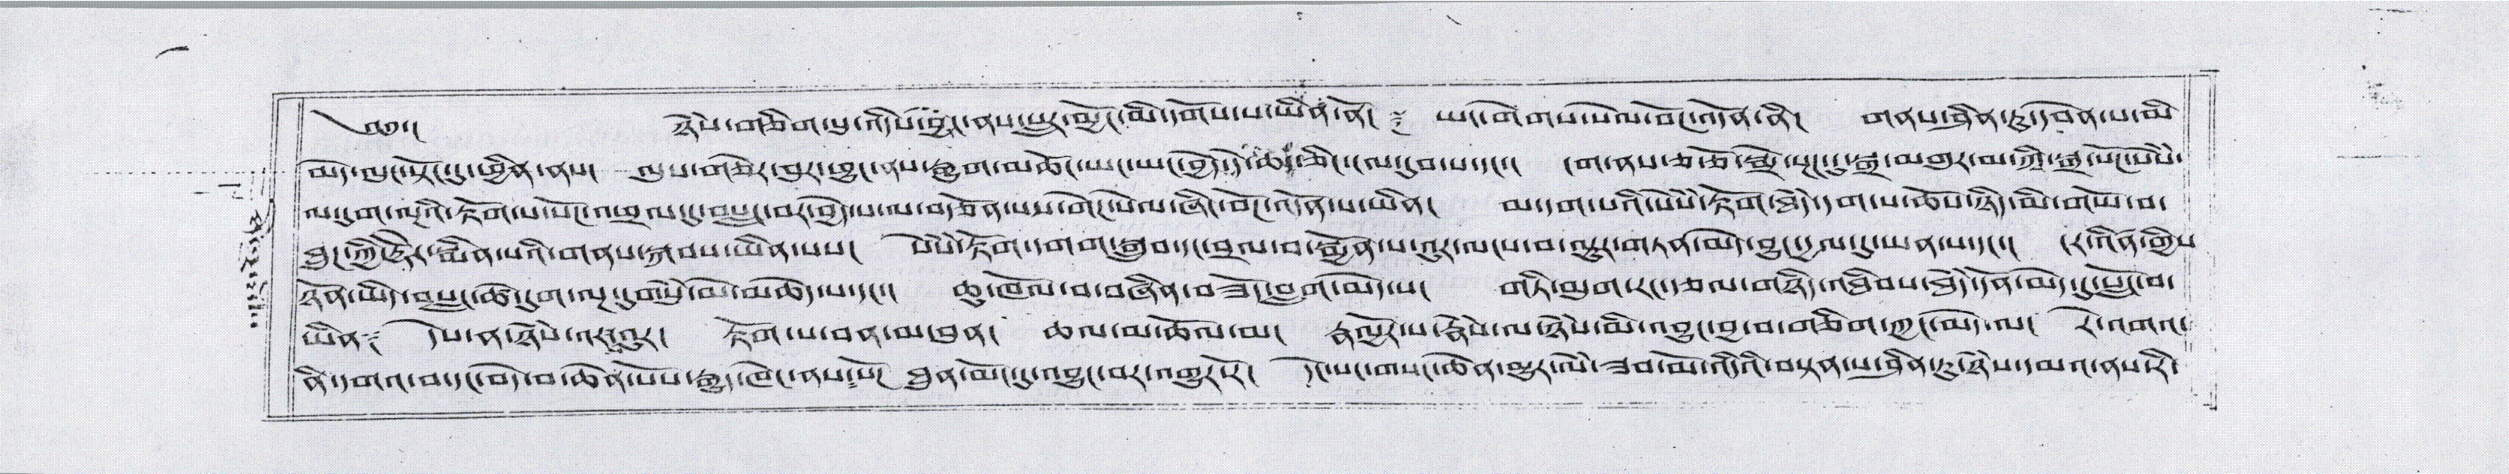ཉམས་གཅིག་པུ་འདིས་བྱང་ནས་སླར་མྱོང་མི་དགོས་པ་ཡིན་ནོ། ༑ ཡང་གེགས་སེལ་བོགས་འདོན་ནི། གནས་ཤིན་ཏུ་དབེན་པ་མི་
མེད་ལུང་སྟོང་དུ་ཕྱིན་ནས། ལུས་གཅེར་བུར་ཕྱུང་ནས་རྒྱུག་མཆོང་ཡང་ཡང་བྱེད་དེ་ཆད་ཅིང་ངལ་དུབ་པ་དང། ངག་ནས་ཅ་ཅོ་སྨྲེ་སྔགས་ངུ་སྒྲ་མགུར་མ་ཀྭི་སྒྲ་སོགས་སེམས་
ལ་དུག་ལྔའི་རྟོག་པ་སོགས་འཕྲལ་དུ་བསླང་བར་བྱེད་པ་ལ་བརྩོན་པས་གེགས་སེལ་ཞིང་བོགས་འདོན་པ་ཡིན། མ་དག་པའི་སེམས་རྟོག་ཐམས་ཅད་དག་པ་ཆོས་ཉིད་མི་གཡོ་བ་
ཐུགས་ཀྱི་རྡོ་རྗེ་སྨིན་པའི་གནས་སྐབས་ཡིན་པས། སེམས་རྟོག་དགག་སྒྲུབ་དང་བྲལ་བ་སྨྱོན་པ་འུར་ལངས་པ་ལྟ་བུར་གཏན་མེད་བྱུང་རྒྱལ་དུ་ཡན་པ་དང། ངར་འཛིན་གྱིས་
ཉོན་ཡོད་བསླང་ཚེ་དུག་ལྔ་དུག་གསུམ་མེ་མཆོད་པ་དང། ཆུ་ཁོལ་བ་བཞིན་བཟོད་བླག་མེད་པ། གཏི་མུག་རང་རྩལ་གཉིས་འཐིབ་ཐམས་ཅད་དོན་མེད་དུ་སློང་བ་
ཡིན། དེས་ན་ཉམས་འར་འུར། རྟོག་པ་བན་མ་བུན། ཆལ་མ་ཆོལ་མ། རྣལ་འབྱོར་པ་རྣམས་ལ་ཉམས་མི་འབྱུང་བྱ་བ་གཅིག་ཀྱང་མེད་ལ། རེ་འགའ་
ནི་དགའ་བ་དང་བདེ་བ་ཆེན་པོས་རྒྱུད་ཁེང་ནས་སོགས་ཐུན་མོང་དུ་འབྱུང་བར་འགྱུར་རོ། དེང་སང་གསང་ཆེན་མྱུར་ལམ་ཟབ་མོ་འདིའི་བསྟན་པ་ཤིན་ཏུ་ཉམས་དམའ་ནས་རི་